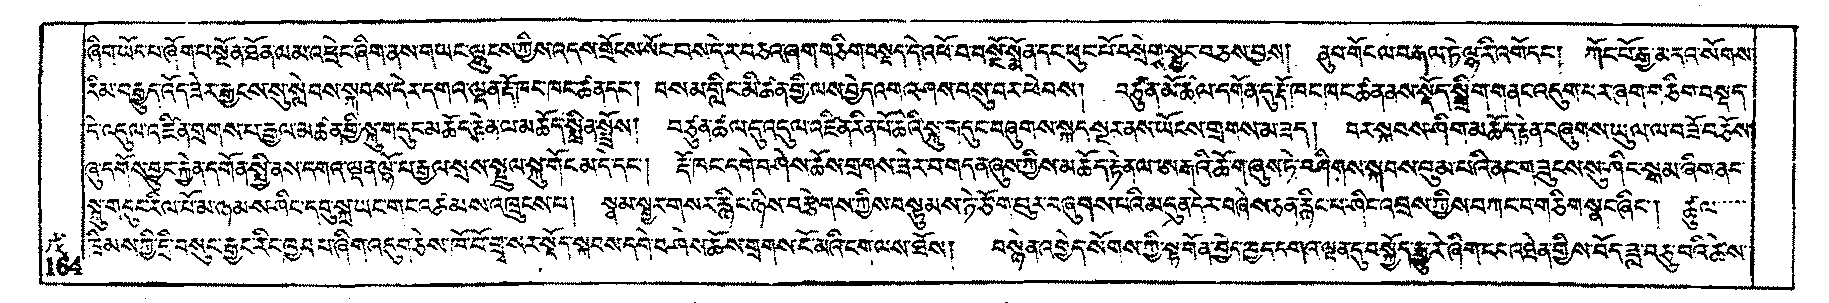ཞིག་ཡོད་པ་ཞོག་པ་སྔོན་ཐོན་ལམ་འཕྲེང་ཞིག་ནས་གཡང་ལྷུངས་ཀྱིས་འདས་གྲོངས་སོང་བས་དེར་བཅའ་ཞག་གཅིག་བསྡད་དེ་འཕོ་བ་བསྔོ་སྨོན་དང་ཕུང་པོ་བསྲེགས་སྦྱང་བཅས་བྱས། ནུབ་གོང་ལ་བརྒལ་ཏེ་ལྷ་རི་འགོ་དང་། ཀོང་པོ་རྒྱ་མདའ་སོགས་
རིམ་བརྒྱུད་འོད་ཟེར་རྒྱངས་སུ་སླེབས་སྐབས་དེར་དགའ་ལྡན་རྡོ་ཁང་ཁང་ཚན་དང་། བསམ་གླིང་མི་ཚན་གྱི་ལས་བྱེད་འགའ་ཤས་བསུ་བར་ཕེབས། བཙུན་མོ་ཚལ་དགོན་དུ་རྡོ་ཁང་ཁང་ཚན་ནས་སྡོད་སྒྲིག་གནང་འདུག་པར་ཞག་གཅིག་བསྡད་
དེ་འདུལ་འཛིན་གྲགས་པ་རྒྱལ་མཚན་གྱི་སྐུ་གདུང་མཆོད་རྟེན་ལ་མཆོད་སྤྲིན་སྤྲོས། བཙུན་ཚལ་དུ་འདུལ་འཛིན་རིན་པོ་ཆེའི་སྐུ་གདུང་བཞུགས་སྐད་སྔར་ནས་ཡོངས་གྲགས་མ་ཟད། བར་སྐབས་ཤིག་མཆོད་རྟེན་བཞུགས་ཡུལ་ལ་བཟོ་བཅོས་
ཞུ་དགོས་བྱུང་རྐྱེན་དགོན་སྤྱི་ནས་དགའ་ལྡན་ལྷོ་པ་རྒྱལ་སྲས་སྤྲུལ་སྐུ་གོང་མ་དེ་དང་། རྡོ་ཁང་དགེ་བཤེས་ཆོས་གྲགས་ཟེར་བ་གདན་ཞུས་ཀྱིས་མཆོད་རྟེན་ལ་ཨ་རྒའི་ཆོ་ག་ཞུས་ཏེ་བཤིགས་སྐབས་བུམ་པའི་ནང་གཟུངས་སུ་ཤིང་སྒམ་ཞིག་ནང་
སྐུ་གདུང་རིལ་པོ་མ་ཉམས་ཤིང་དབུ་སྐྲ་ཡང་གང་འཚམས་འཁྲུངས་པ། སྣམ་སྦྱར་གསར་རྙིང་ཉིས་བརྩེགས་ཀྱིས་བསྟུམས་ཏེ་ཙོག་པུར་བཞུགས་པའི་མདུན་དེར་བཞེས་ཅན་རྙིང་པ་ཤིང་འབྲས་ཀྱིས་བཀང་བ་གཅིག་སྣང་ཞིང་། ཚུལ་
ཁྲིམས་ཀྱི་དྲི་བསུང་རྒྱང་རིང་ཁྱབ་པ་ཞིག་འདུག་ཅེས་ཁོ་བོ་གྲྭ་སར་སྡོད་སྐབས་དགེ་བཤེས་ཆོས་གྲགས་ངོ་མའི་ངག་ལས་ཐོས། བསྙེན་འགྱེད་སོགས་ཀྱི་སྟ་གོན་བྱེད་ཁྱད་དགའ་ལྡན་དུ་བསྐྱོད་རྒྱུ་རེ་ཞིག་ངང་འཐེན་གྱིས་བོད་ཟླ་བཅུ་པའི་ཚེས་